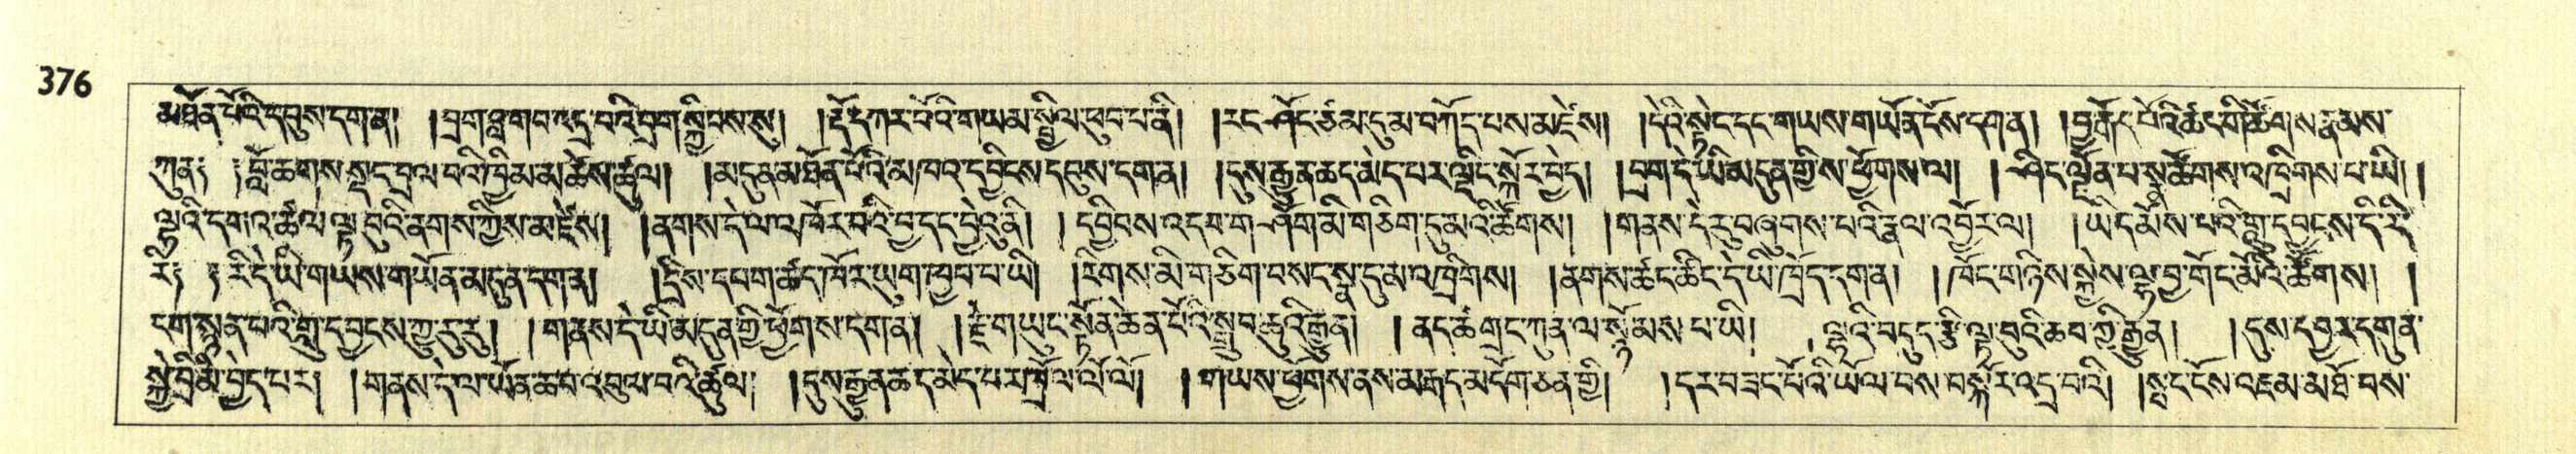མཐོན་པོའི་དབུས་དག་ན། །བྲག་བླ་གབ་འདྲ་བའི་བྲག་སྐྱིབས་སུ། །རྡོ་དཀར་པོའི་གཡམ་སྤྱིལ་ཕུབ་པ་ནི། །རང་ཤོང་ཙམ་དུ་མ་བཀོད་པས་མཛེས། །དེའི་སྟེང་དང་གཡས་གཡོན་ངོས་དག་ན། །བྱ་རྒོད་པོའི་ཚང་གི་ཚོགས་རྣམས་
ཀུན༑ ༑བློ་ཆགས་སྡང་བྲལ་བའི་ཁྱིམ་མཚེས་ཚུལ། །མདུན་མཐོན་པོའི་མཁའ་དབྱིངས་དབུས་དག་ན། །དུས་རྒྱུན་ཆད་མེད་པར་ལྡིང་སྐོར་བྱེད། །བྲག་དེ་ཡི་མདུན་གྱི་ས་ཕྱོགས་ལ། །ཤིང་ལྗོན་པ་སྣ་ཚོགས་འཁྲིགས་པ་ཡི། །
ལྷའི་དགའ་ཚལ་ལྟ་བུའི་ནགས་ཀྱིས་མཛེས། །ནགས་དེ་ལ་འཁོར་བའི་བྱ་དང་བྱེའུ་ནི། །དབྱིབས་འདབ་གཤོག་མི་གཅིག་དུ་མའི་ཚོགས། །གནས་དེ་རུ་བཞུགས་པའི་རྣལ་འབྱོར་ལ། །ཡིད་མོས་པའི་གླུ་དབྱངས་དི་རི་
རི༑ ༑རི་དེ་ཡི་གཡས་གཡོན་མདུན་དག་ན། །དྲིས་དཔག་ཚད་ཁོར་ཡུག་ཁྱབ་པ་ཡི། །རིགས་མི་གཅིག་བསང་སྣ་དུ་མ་འཁྲིགས། །ནགས་ཚང་ཚིང་དེ་ཡི་ཁྲོད་དག་ན། །ཁོང་གཉིས་སྐྱེས་ལྷ་བྱ་གོང་མོའི་ཚོགས། །
དག་སྙན་པའི་གླུ་དབྱངས་ཀྱུ་རུ་རུ། །གནས་དེ་ཡི་མདུན་གྱི་ཕྱོགས་དག་ན། །རྗེ་གཡུང་སྟོན་ཆེན་པོའི་སྒྲུབ་ཆུའི་རྒྱུན། །ནད་ཚ་གྲང་ཀུན་ལ་སྙོམས་པ་ཡི། །ལྷའི་བདུད་རྩི་ལྟ་བུའི་ཆབ་ཀྱི་རྒྱུན། །དུས་དབྱར་དགུན་
སྐྱེ་བྲི་མི་བྱེད་པར། །གནས་དེ་ལ་ཡོན་ཆབ་འབུལ་བའི་ཚུལ། །དུས་རྒྱུན་ཆད་མེད་པར་ཁྲོ་ལ་ལོ་ལོ། །གཡས་ཕྱོགས་ནས་མྲྒད་མདོག་ཅན་གྱི། །དར་བཟང་པོའི་ཡོལ་བས་བསྐོར་འདྲ་བའི། །སྤང་ངོས་འཇམ་མཐོ་བས་